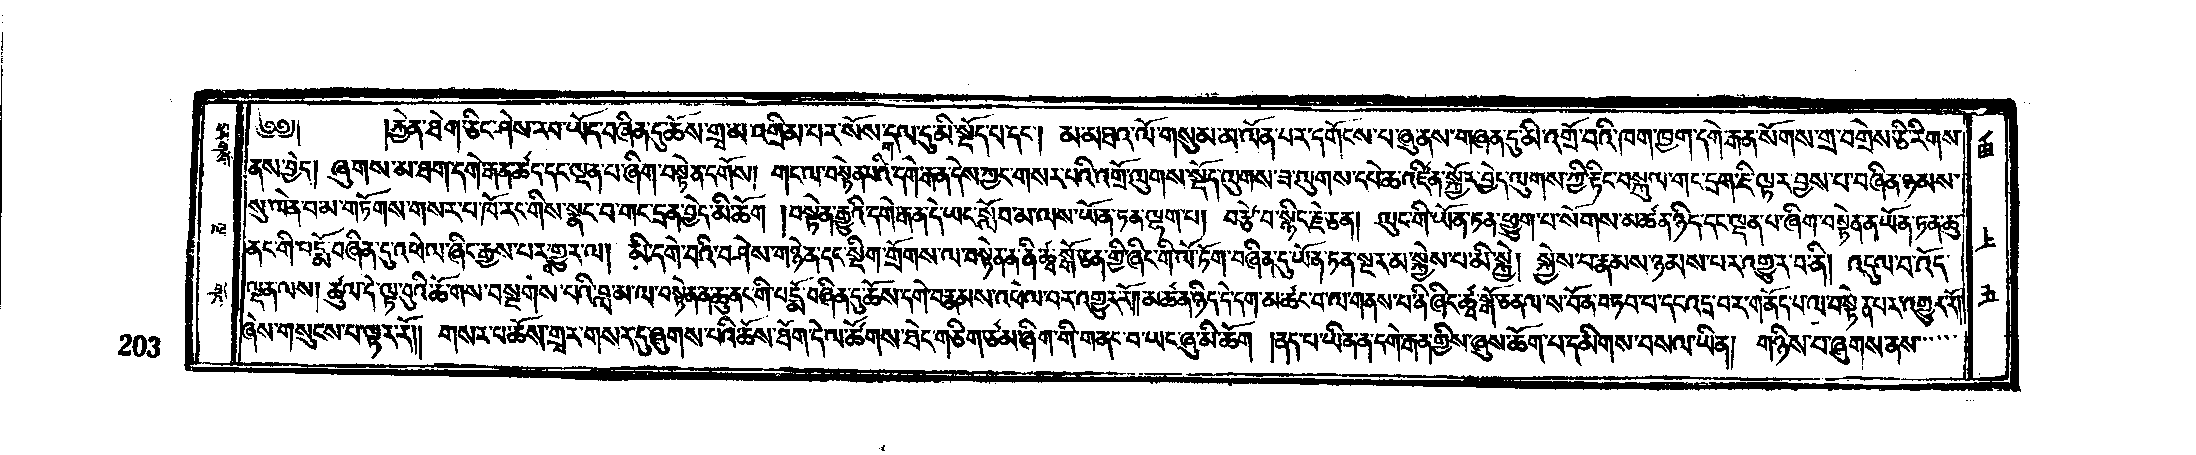༄༅། །རྐྱེན་ཐེག་ཅིང་ཤེས་རབ་ཡོད་བཞིན་དུ་ཆོས་གྲྭ་མ་འགྲིམ་པར་སོས་གདལ་དུ་མི་སྡོད་པ་དང་། མ་མཐའ་ལོ་གསུམ་མ་ལོན་པར་དགོངས་པ་ཞུ་ནས་གཞན་དུ་མི་འགྲོ་བའི་ཁག་ཁྱག་དགེ་རྒན་སོགས་གྲ་བགྲེས་ཅི་རིགས་
ནས་བྱེད། ཞུགས་མ་ཐག་དགེ་རྒན་ཚད་དང་ལྡན་པ་ཞིག་བསྟེན་དགོས། གང་ལ་བསྟེན་པའི་དགེ་རྒན་དེས་ཀྱང་གསར་པའི་འགྲོ་ལུགས་སྡོད་ལུགས་ཟ་ལུགས་དཔེ་ཆ་འཛིན་སྐྱོར་བྱེད་ལུགས་ཀྱི་རྟིང་བསྐུལ་གང་དྲག་ཇི་ལྟར་བྱས་པ་བཞིན་ཉམས་
སུ་ལེན་བ་མ་གཏོགས་གསར་པ་ཁོ་རང་གིས་སྣང་བ་གང་དྲན་བྱེད་མི་ཆོག །བསྟེན་རྒྱུའི་དགེ་རྒན་དེ་ཡང་སློབ་མ་ལས་ཡོན་ཏན་ལྷག་པ། བརྩེ་བ་སྙིང་རྗེ་ཅན། ལུང་གི་ཡོན་ཏན་ཕྱུག་པ་སོགས་མཚན་ཉིད་དང་ལྡན་པ་ཞིག་བསྟེན་ན་ཡོན་ཏན་ཆུ་
ནང་གི་པདམོ་བཞིན་དུ་འཕེལ་ཞིང་རྒྱས་པར་འགྱུར་ལ། མི་དགེ་བའི་བཤེས་གཉེན་དང་སྡིག་གྲོགས་ལ་བསྟེན་ན་ནི་ཚྭ་སྒོ་ཅན་གྱི་ཞིང་གི་ལོ་ཏོག་བཞིན་དུ་ཡོན་ཏན་སྔར་མ་སྐྱེས་པ་མི་སྐྱེ། སྐྱེས་པ་རྣམས་ཉམས་པར་འགྱུར་བ་ནི། འདུལ་བ་འོད་
ལྡན་ལས། ཚུལ་དེ་ལྟ་བུའི་ཆོ་གས་བསྔགས་པའི་བླ་མ་ལ་བསྟེན་ན་ཆུ་ནང་གི་པདམོ་བཞིན་དུ་ཆོས་དགེ་བ་རྣམས་འཕེལ་བར་འགྱུར་རོ།། མཚན་ཉིད་དེ་དག་མ་ཚང་བ་ལ་གནས་པ་ནི་ཞིང་ཚྭ་སྒོ་ཅན་ལ་ས་བོན་བཏབ་པ་དང་འདྲ་བར་གནོད་པ་ལ་བསྟེན་པར་འགྱུར་རོ།།
ཞེས་གསུངས་པ་ལྟར་རོ།། གསར་པ་ཆོས་གྲྭར་གསར་དུ་ཞུགས་པའི་ཆོས་ཐོག་དེ་ལ་ཚོགས་ཐེང་གཅིག་ཙམ་ཞིག་གི་གནང་བ་ཡང་ཞུ་མི་ཆོག །ནད་པ་ཡིན་ན་དགེ་རྒན་གྱིས་ཞུས་ཆོག་པ་དམིགས་བསལ་ཡིན། གཉིས་པ་ཞུགས་ནས་